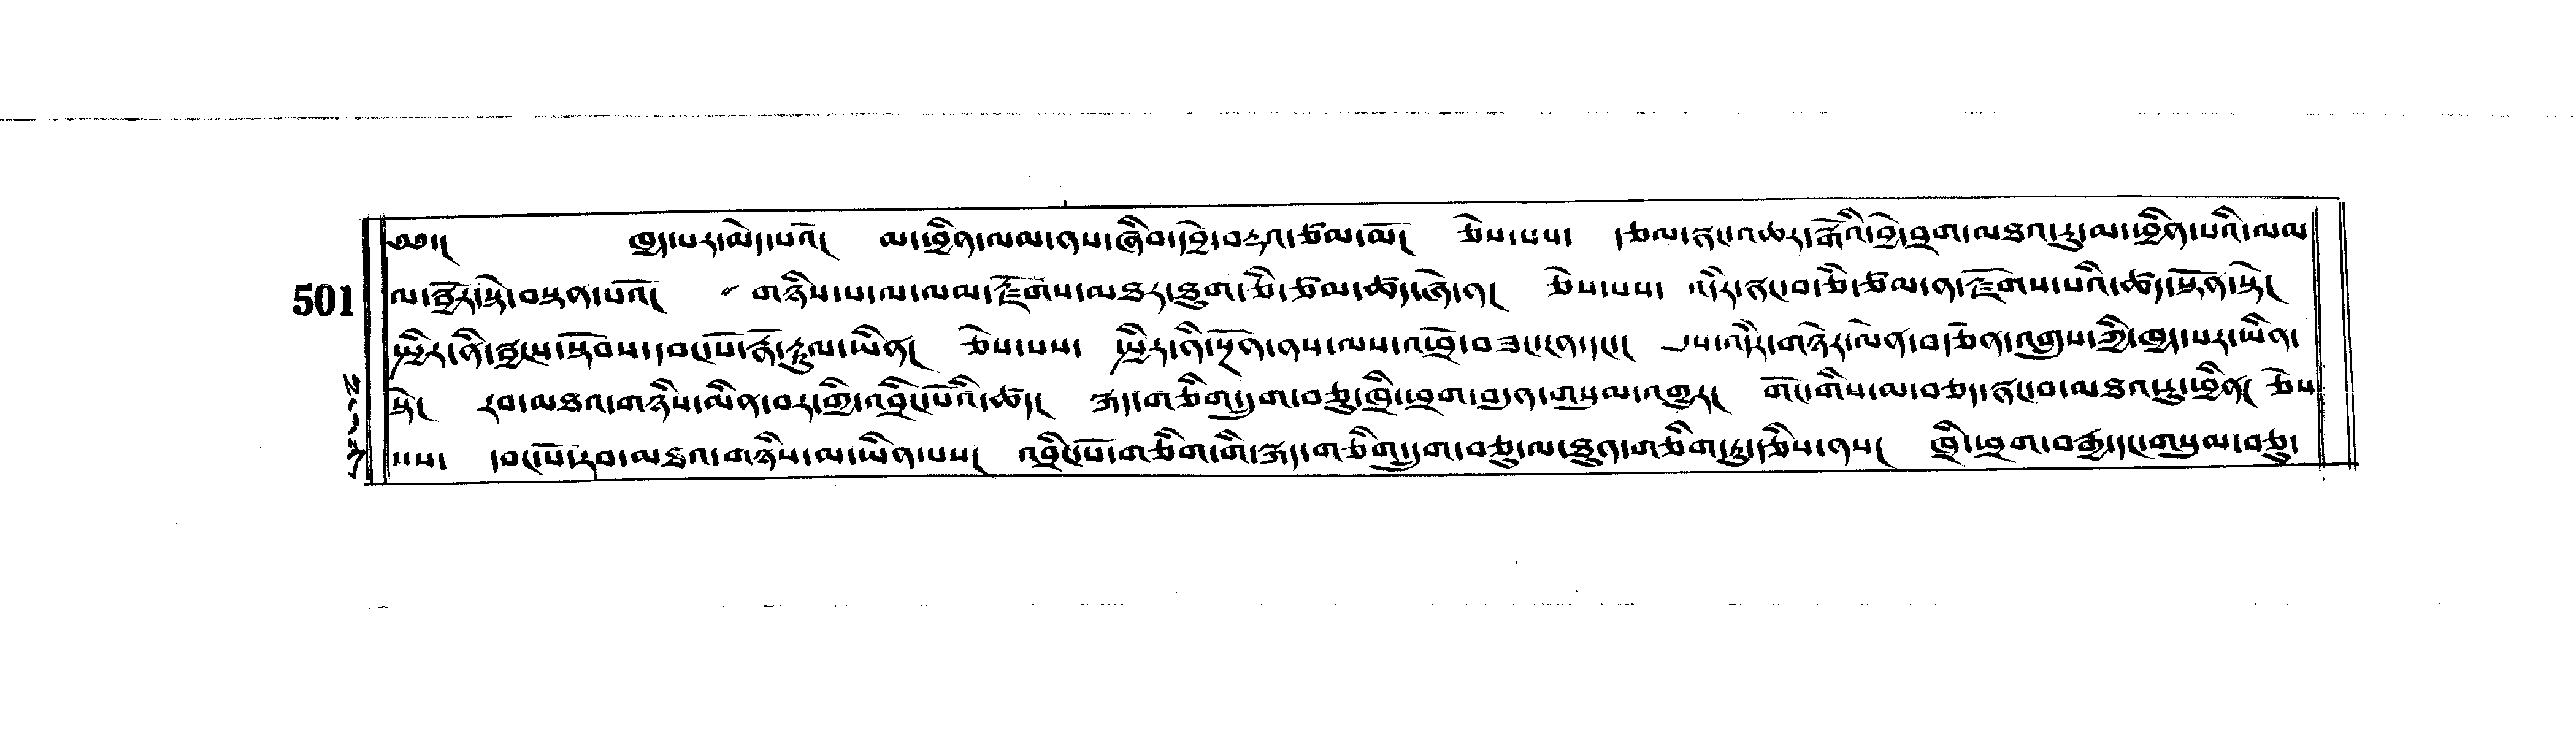ཁྱད་པར་མེད་པའོ། མ་ཕྱིན་ལམ་ནས་ཞིབ་དབྱེ་བརྡ་ཙམ་མོ། ཅེས་པས། རྩལ་སྣང་འཆར་སྒོའི་བྱེ་བྲག་མཐའ་རུ་མ་ཕྱིན་པའི་ལམ་
ལ་སྦྱོར་ཏེ་བསྟན་པའོ། ༧ གཉིས་པ་ལ་ལམ་རྫོགས་མཐར་ཐུག་ཅི་ཙམ་ཚད་ཞེ་ན། འདིར་སྣང་བ་ཅི་ཙམ་ན་རྫོགས་པའི་ཚད་སྟོན་ཏེ། 
སྤྱིར་ནི་སྦྱངས་སྟོབས་དབང་པོ་རྣོ་རྟུལ་ཡིན། ཅེས་པས། སྤྱིར་ནས་སྔོན་ནས་ལས་འཕྲོ་བཟང་ངན་དང་། དུས་འདིར་ཉེར་ལེན་བརྩོན་འགྲུས་ཀྱི་ཁྱད་པར་ཡིན་
ཏེ། རབ་མཐའ་གཉིས་མིན་བར་གྱི་འབྲིང་པོའི་ཚད། སྐད་ཅིག་དྲུག་ཅུ་ཁྲི་ཕྲག་བདུན་གསུམ་འགྱུར། གོང་གིས་མ་བཅད་སྣང་བ་མཐའ་རུ་ཕྱིན། ཅེས་
པས། དབང་པོ་རབ་མཐའ་གཉིས་མ་ཡིན་པས། འབྲིང་པོ་གཅིག་གི་སྐད་ཅིག་དྲུག་ཅུ་ལ་ཐུན་གཅིག་ཏུ་བརྩིས་ནས། ཁྲི་ཕྲག་བརྒྱ་དང་སུམ་ཅུ་